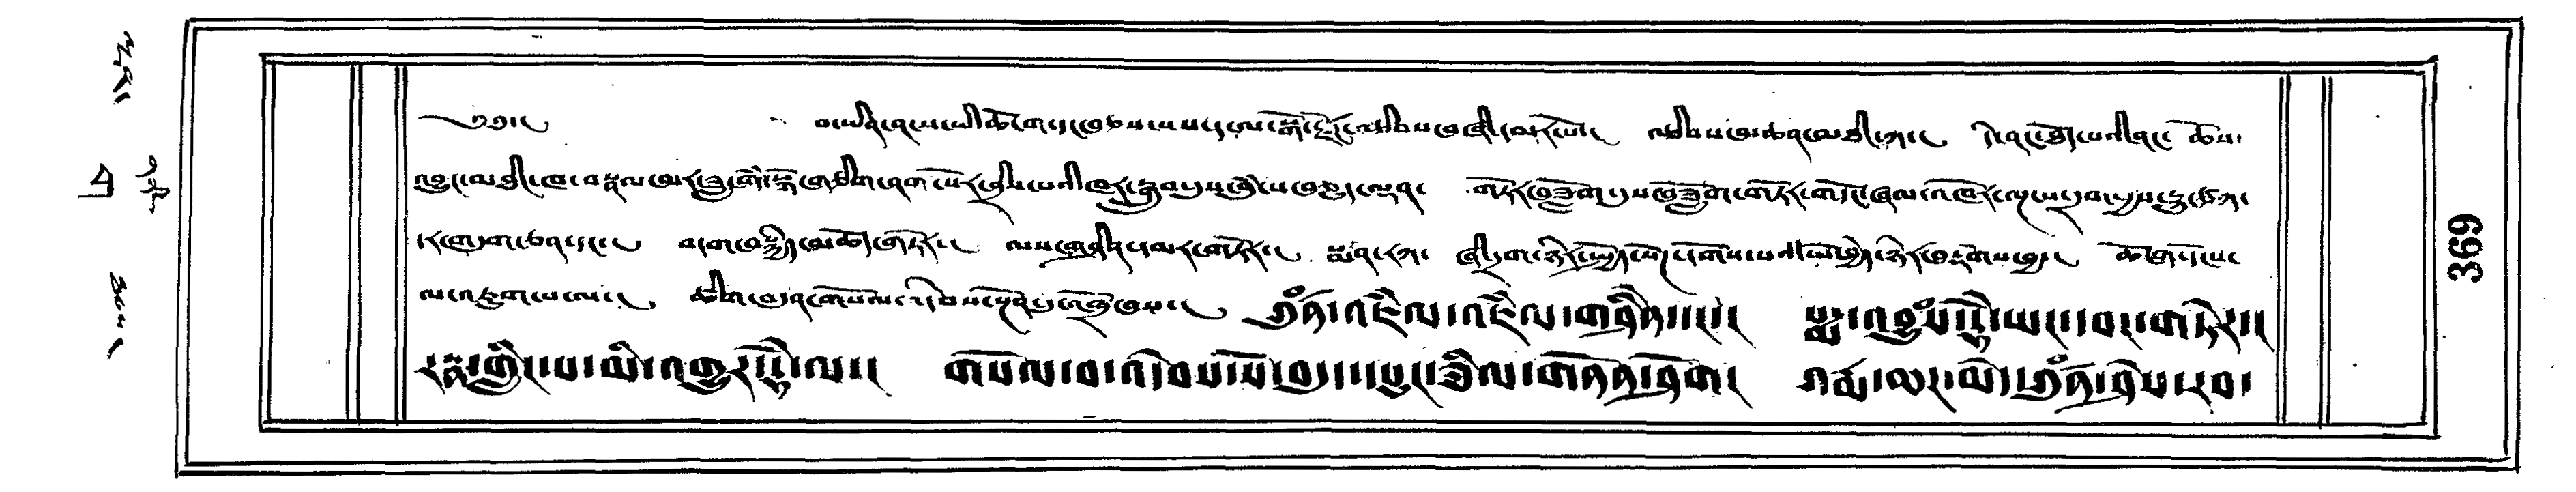བ་ཡིན་ན་ས་ཡི་ཆོ་ག་དང་བཅས་པས་དེ་ལ་སྒོ་རྫོགས་རྩིབས་བཞི་དམར་པོ། རྩིབས་མཆན་མཐིང་ཀ དེ་ནང་ཐོད་པའི་ནང་། ཆོས་
འབྱུང་མཐིང་ཁ་བསྣོལ་མར་ཟླ་གམ་སྒོ་གཅིག་ནག་པོར་བྲིས་པའི་ཁར་སྒྲུབ་དུས་བུམ་པ་བཅུད་ལྡན། གཏོར་ཟློག་དུས་ཟློག་གཏོར་གདོང་ཞལ་འཁོར་ལྔ་པ་དྲག་རྒྱན་སྐུ་ཙཀ་
དར་གདུགས་ཅན་དང་། བདག་བསྐྱེད་མཆོད་གཏོར། ལས་གཤིན་དམར་གཏོར། སྨན་རཀ ཞི་དྲག་ཉེར་སྤྱོད་སོགས་དགོས་པའི་ཡོ་བྱད་ཉེར་བསྡོགས་བྱ། ཆོ་ག་དངོས་
ལ་འཇུག་པ་ལ། ཚིག་བདུན་གསོལ་འདེབས་སྔོན་དུ་འགྲོ་བས། ཀུན་བཟང་འཇམ་དཔལ་འཇམ་དཔལ་གཤིན་རྗེ་དང་། །པདྨ་འབྱུང་གནས་རྡོ་རྗེ་ཡང་དབང་གཏེར། །
རཏྣ་གླིང་པ་མི་འགྱུར་རྡོ་རྗེ་ལ། །གསོལ་བ་འདེབས་སོ་བདུད་དཔུང་ཟིལ་གནོན་ཤོག །ཀརྨ་ཆགས་མེད་ཀུན་བཟང་ཤེས་རབ་